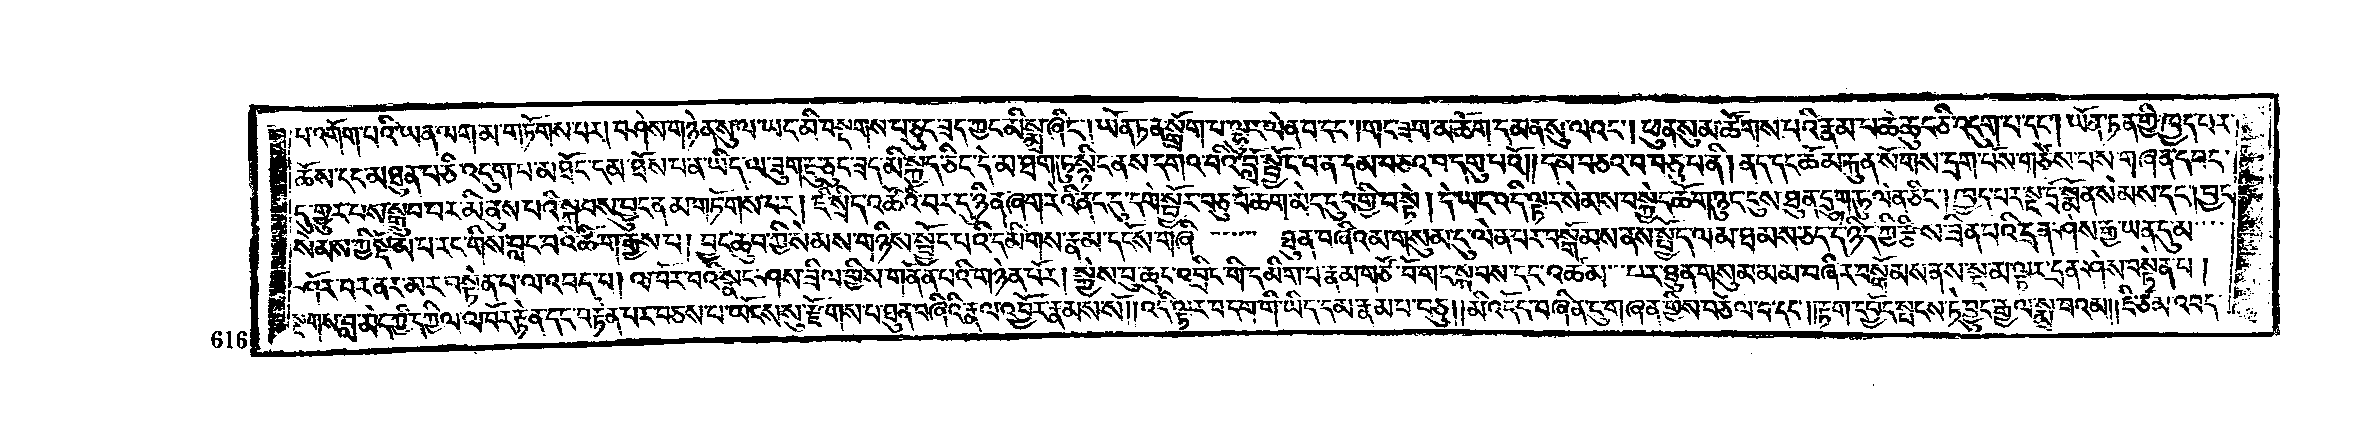པ་འགོག་པའི་ཡན་ལག་མ་གཏོགས་པར། བཤེས་གཉེན་སུ་ལ་ཡང་མི་བསྔགས་པ་ཅུང་ཟད་ཀྱང་མི་སྨྲ་ཞིང་། ཡོན་ཏན་སྒྲོག་པ་ལྷུར་ལེན་པ་དང་། གང་ཟག་མཆོག་དམན་སུ་ལའང་། ཕུན་སུམ་ཚོགས་པའི་རྣམ་པ་ཆེ་ཆུང་ཅི་འདུག་པ་དང་། ཡོན་ཏན་གྱི་ཁྱད་པར་
ཆོས་དང་མཐུན་པ་ཅི་འདུག་པ་མཐོང་ངམ་ཐོས་པ་ན་ཡིད་ལ་ཟུག་རྔུ་ཅུང་ཟད་མི་སྐྱེད་ཅིང་དེ་མ་ཐག་ཏུ་སྙིང་ནས་དགའ་བའི་བློ་སྦྱོང་བ་ན་དམ་བཅའ་བ་དགུ་པའོ། །དམ་བཅའ་བ་བཅུ་པ་ནི། ནད་དང་ཆོམ་རྐུན་སོགས་དྲག་པོས་གཙེས་པས་གཞན་དབང་
དུ་གྱུར་པས་སྒྲུབ་པར་མི་ནུས་པའི་སྐབས་བྱུང་ན་མ་གཏོགས་པར། ཇི་སྲིད་འཚོའི་བར་དུ་ཉིན་ཞག་རེའི་ནང་དུ་དགེ་སྦྱོར་བཅུ་པོ་ཆག་མེད་དུ་བགྱི་བ་སྟེ། དེ་ཡང་འདི་ལྟར་སེམས་བསྐྱེད་ཆོག་ཉུང་ངུས་ཐུན་དྲུག་ཏུ་ལེན་ཅིང་། ཁྱད་པར་སྔ་དྲོ་སྨོན་སེམས་དང་། བྱང་
སེམས་ཀྱི་སྡོམ་པ་རང་གིས་བླང་བའི་ཚིག་རྒྱས་པ། བྱང་ཆུབ་ཀྱི་སེམས་གཉིས་སྦྱོང་པའི་དམིགས་རྣམ་དངོས་གཞི་ཐུན་བཞིའམ་གསུམ་དུ་ལེན་པར་བསྒོམས་ནས་སྤྱོད་ལམ་ཐམས་ཅད་དེ་ཉིད་ཀྱི་རྩིས་ཟིན་པའི་དྲན་ཤེས་རྒྱ་ཡན་དུ་མ་
ཤོར་བར་ནར་མར་བསྟེན་པ་ལ་འབད་པ། འཁོར་བའི་སྣང་ཤས་ཟིལ་གྱིས་གནོན་པའི་གཉེན་པོར། སྐྱེས་བུ་ཆུང་འབྲིང་གི་དམིག་པ་རྣམ་གཙོ་བོ་གང་སྐབས་དང་འཚམ་པར་ཐུན་གསུམ་མམ་བཞིར་བསྒོམས་ནས་སྔ་མ་ལྟར་དྲན་ཤེས་བསྟེན་པ།
སྔགས་བླ་མེད་ཀྱི་དཀྱིལ་འཁོར་རྟེན་དང་བརྟེན་པར་བཅས་པ་ཡོངས་སུ་རྫོགས་པ་ཐུན་བཞིའི་རྣལ་འབྱོར་རྣམས་སོ། །འདི་ལྟར་བདག་གི་ཡིད་དམ་རྣམ་པ་བཅུ། །མི་འདོད་བཞིན་དུ་གཞན་གྱིས་བཅོལ་བ་དང་། རྟག་དཔྱོད་སྤངས་ཏེ་བྱུང་རྒྱལ་སྨྲ་བའམ། །ཇི་ཙམ་འབད་